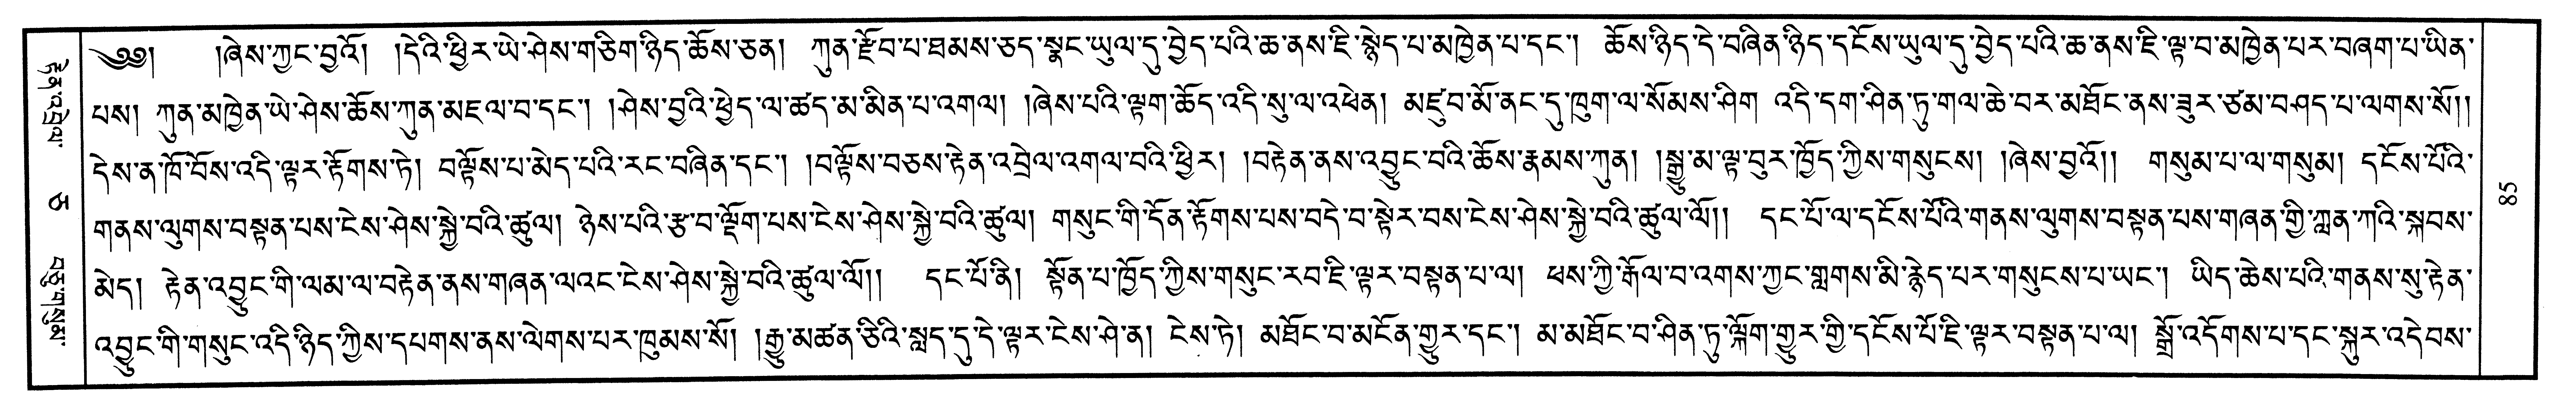༄༅། །ཞེས་ཀྱང་བྱའོ། །དེའི་ཕྱིར་ཡེ་ཤེས་གཅིག་ཉིད་ཆོས་ཅན། ཀུན་རྫོབ་པ་ཐམས་ཅད་སྣང་ཡུལ་དུ་བྱེད་པའི་ཆ་ནས་ཇི་སྙེད་པ་མཁྱེན་པ་དང་། ཆོས་ཉིད་དེ་བཞིན་ཉིད་དངོས་ཡུལ་དུ་བྱེད་པའི་ཆ་ནས་ཇི་ལྟ་བ་མཁྱེན་པར་བཞག་པ་ཡིན་
པས། ཀུན་མཁྱེན་ཡེ་ཤེས་ཆོས་ཀུན་མཇལ་བ་དང་། །ཤེས་བྱའི་ཕྱེད་ལ་ཚད་མ་མིན་པ་འགལ། །ཞེས་པའི་ལྟག་ཆོད་འདི་སུ་ལ་འཕེན། མཛུབ་མོ་ནང་དུ་ཁུག་ལ་སོམས་ཤིག །འདི་དག་ཤིན་ཏུ་གལ་ཆེ་བར་མཐོང་ནས་ཟུར་ཙམ་བཤད་པ་ལགས་སོ།།
དེས་ན་ཁོ་བོས་འདི་ལྟར་རྟོགས་ཏེ། བལྟོས་པ་མེད་པའི་རང་བཞིན་དང་། །བལྟོས་བཅས་རྟེན་འབྲེལ་འགལ་བའི་ཕྱིར། །བརྟེན་ནས་འབྱུང་བའི་ཆོས་རྣམས་ཀུན། །སྒྱུ་མ་ལྟ་བུར་ཁྱོད་ཀྱིས་གསུངས། །ཞེས་བྱའོ། །གསུམ་པ་ལ་གསུམ། དངོས་པོའི་
གནས་ལུགས་བསྟན་པས་ངེས་ཤེས་སྐྱེ་བའི་ཚུལ། ཉེས་པའི་རྩ་བ་ལྡོག་པས་ངེས་ཤེས་སྐྱེ་བའི་ཚུལ། གསུང་གི་དོན་རྟོགས་པས་བདེ་བ་སྟེར་བས་ངེས་ཤེས་སྐྱེ་བའི་ཚུལ་ལོ།། དང་པོ་ལ་དངོས་པོའི་གནས་ལུགས་བསྟན་པས་གཞན་གྱི་ཀླན་ཀའི་སྐབས་
མེད། རྟེན་འབྱུང་གི་ལམ་ལ་བརྟེན་ནས་གཞན་ལའང་ངེས་ཤེས་སྐྱེ་བའི་ཚུལ་ལོ།། དང་པོ་ནི། སྟོན་པ་ཁྱོད་ཀྱིས་གསུང་རབ་ཇི་ལྟར་བསྟན་པ་ལ། ཕས་ཀྱི་རྒོལ་བ་འགས་ཀྱང་གླགས་མི་རྙེད་པར་གསུངས་པ་ཡང་། ཡིད་ཆེས་པའི་གནས་སུ་རྟེན་
འབྱུང་གི་གསུང་འདི་ཉིད་ཀྱིས་དཔགས་ནས་ལེགས་པར་ཁུམས་སོ། །རྒྱུ་མཚན་ཅིའི་སླད་དུ་དེ་ལྟར་ངེས་ཤེ་ན། ངེས་ཏེ། མཐོང་བ་མངོན་གྱུར་དང་། མ་མཐོང་བ་ཤིན་ཏུ་ལྐོག་གྱུར་གྱི་དངོས་པོ་ཇི་ལྟར་བསྟན་པ་ལ། སྒྲོ་འདོགས་པ་དང་སྐུར་འདེབས་